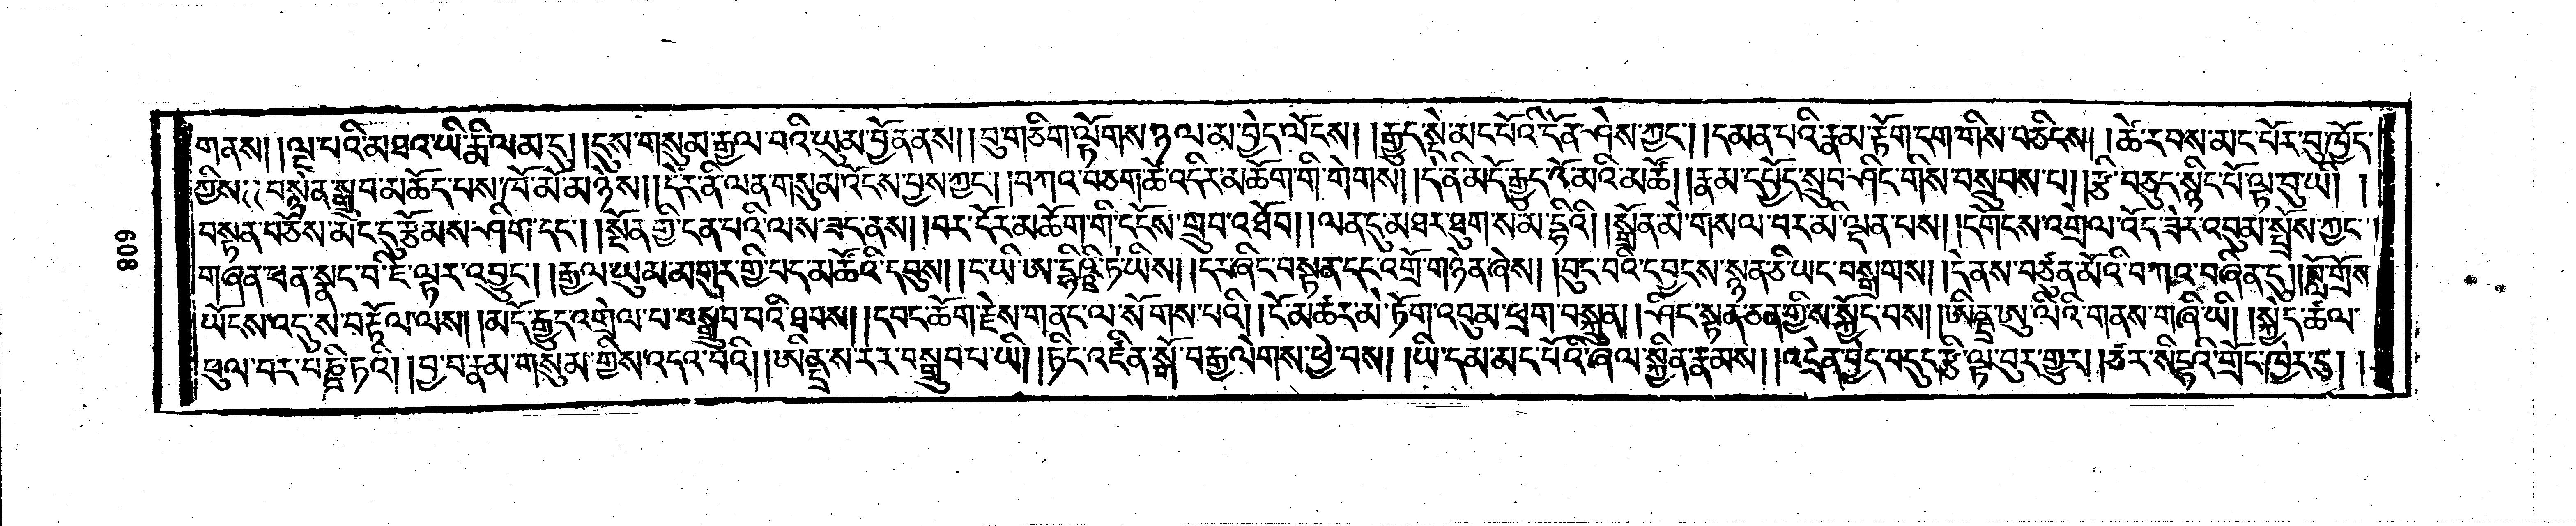གནས། །ལྔ་པའི་མཐའ་ཡི་རྨི་ལམ་དུ། །དུས་གསུམ་རྒྱལ་བའི་ཡུམ་བྱོན་ནས། །བུ་གཅིག་ལྟོགས་ཉལ་མ་བྱེད་ལོངས། །རྒྱུད་སྡེ་མང་པོའི་དོན་ཤེས་ཀྱང་། །དམན་པའི་རྣམ་རྟོག་དག་གིས་བཅིངས། །ཚེ་རབས་མང་པོར་བུ་ཁྱོད་
ཀྱིས༑ ༑བསྙེན་སྒྲུབ་མཆོད་པས་ཁོ་མི་མཉེས། །དེར་ནི་ལན་གསུམ་འོངས་བྱས་ཀྱང་། །བཀའ་བཅག་ཚེ་འདིར་མཆོག་གི་གེགས། །དེ་ནི་མདོ་རྒྱུད་འོ་མའི་མཚོ། །རྣམ་དཔྱོད་སྲུབ་ཤིང་གིས་བསྲུབས་པ། །རྩི་བཅུང་སྙིང་པོ་ལྟ་བུ་ཡི། །
བསྟན་བཅོས་མང་དུ་རྩོམས་ཤིག་དང་། །སྔོན་གྱི་ངན་པའི་ལས་ཟད་ནས། །བར་དོར་མཆོག་གི་དངོས་གྲུབ་འཐོབ། །ལན་དུ་མཐར་ཐུགས་མ་དྷིའི། །སྒྲོན་མེ་གསལ་བར་མི་ལྡན་པས། །དགོངས་འགྲེལ་འོང་ཟེར་འབུམ་སྤྲོས་ཀྱང་། །
གཞན་ཕན་སྣང་བ་ཇི་ལྟར་འབྱུང་། །རྒྱལ་ཡུམ་མགུར་གྱི་པད་མཚོའི་དབུས། །ང་ཡི་ཨ་དྷི་ཥཊཿཨི་ཏ་ཡིས། །དར་ཞིང་བསྟན་དང་འགྲོ་གཉེན་ཞེས། །བུང་བའི་དབྱངས་སྙན་ཅི་ཡང་བསྒྲགས། །དེ་ནས་བཙུན་མོའི་བཀའ་བཞིན་དུ། །བློ་གྲོས་
ཡོངས་འདུ་ས་བརྟོལ་ལས། །མདོ་རྒྱུད་འགྲེལ་པ་བསྒྲུབ་པའི་ཐབས། །དབང་ཆོག་རྗེས་གནང་ལ་སོགས་པའི། །ངོ་མཚར་མེ་ཏོག་འབུམ་ཕྲག་བསྐྲུན། །ཤིང་སྟན་ཙན་གྱི་ས་སྐྱོང་བས། །ཨིནྡྲ་ཨུ་ལིའི་གནས་གཞི་ཡི། །སྐྱེད་ཚལ་
ཕུལ་བར་པཎྜི་ཏའི། །བྱ་བ་རྣམ་གསུམ་གྱིས་འདའ་བའི། །ཨིནྡྲ་ས་རར་བསྒྲུབ་པ་ཡི། །ཏིང་འཛིན་སྒོ་བརྒྱ་ལེགས་ཕྱེ་བས། །ཡི་དམ་མང་པོའི་ཞལ་སྐྱིན་རྣམས། །འདྲེན་བྱེད་བདུད་རྩི་ལྟ་བུར་གྱུར། །ཙ་ར་སིདྷའི་གྲོང་ཁྱེར་དུ། །